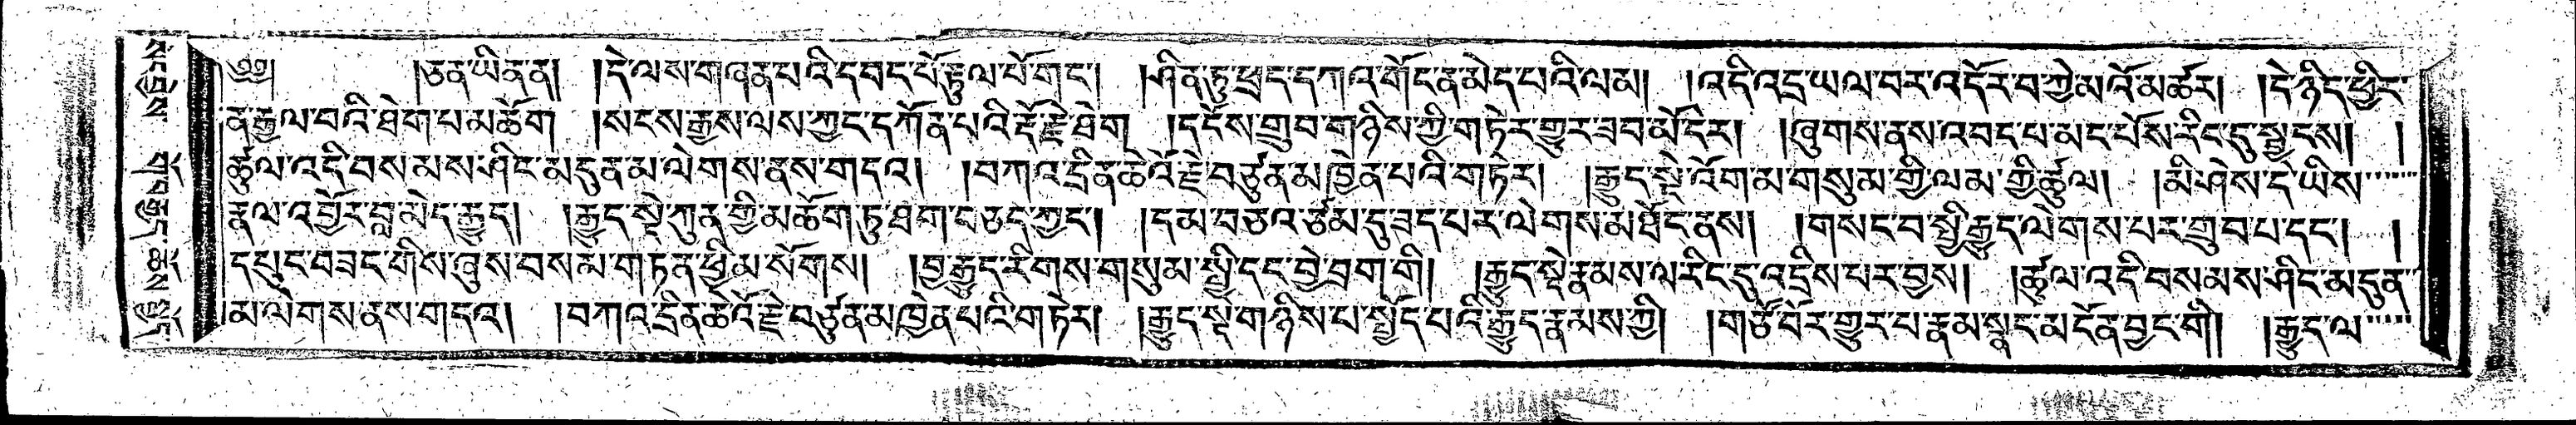༄༅། །ཅན་ཡིན་ན། །དེ་ལས་གཞན་པའི་དབང་པོ་རྟུལ་པོ་གང་། །ཤིན་ཏུ་ཕྲད་དཀའ་གོང་ན་མེད་པའི་ལམ། །འདི་འདྲ་ཡལ་བར་འདོར་བ་ཀྱེ་མའོ་མཚར། །དེ་ཉིད་ཕྱིར་
ན་རྒྱལ་བའི་ཐེག་པ་མཆོག །སངས་རྒྱས་ལས་ཀྱང་དཀོན་པའི་རྡོ་རྗེ་ཐེག །དངོས་གྲུབ་གཉིས་ཀྱི་གཏེར་གྱུར་ཟབ་མོ་དེར། །ཞུགས་ནས་འབད་པ་མང་པོས་རིང་དུ་སྦྱངས། །
ཚུལ་འདི་བསམས་ཤིང་མདུན་མ་ལེགས་ནས་གདའ། །བཀའ་དྲིན་ཆེའོ་རྗེ་བཙུན་མཁྱེན་པའི་གཏེར། །རྒྱུད་སྡེ་འོག་མ་གསུམ་གྱི་ལམ་གྱི་ཚུལ། །མི་ཤེས་དེ་ཡིས་
རྣལ་འབྱོར་བླ་མེད་རྒྱུད། །རྒྱུད་སྡེ་ཀུན་གྱི་མཆོག་ཏུ་ཐག་བཅད་ཀྱང་། །དམ་བཅའ་ཙམ་དུ་ཟད་པར་ལེགས་མཐོང་ནས། །གསང་བ་སྤྱི་རྒྱུད་ལེགས་པར་གྲུབ་པ་དང་། །
དཔུང་བཟང་གིས་ཞུས་བསམ་གཏན་ཕྱི་མ་སོགས། །བྱ་རྒྱུད་རིགས་གསུམ་སྤྱི་དང་བྱེ་བྲག་གི། །རྒྱུད་སྡེ་རྣམས་ལ་རིང་དུ་འདྲིས་པར་བྱས། །ཚུལ་འདི་བསམས་ཤིང་མདུན་
མ་ལེགས་ནས་གདའ། །བཀའ་དྲིན་ཆེའོ་རྗེ་བཙུན་མཁྱེན་པའི་གཏེར། །རྒྱུད་སྡེ་གཉིས་པ་སྤྱོད་པའི་རྒྱུད་རྣམས་ཀྱི། །གཙོ་བོར་གྱུར་པ་རྣམ་སྣང་མངོན་བྱང་གི། །རྒྱུད་ལ་